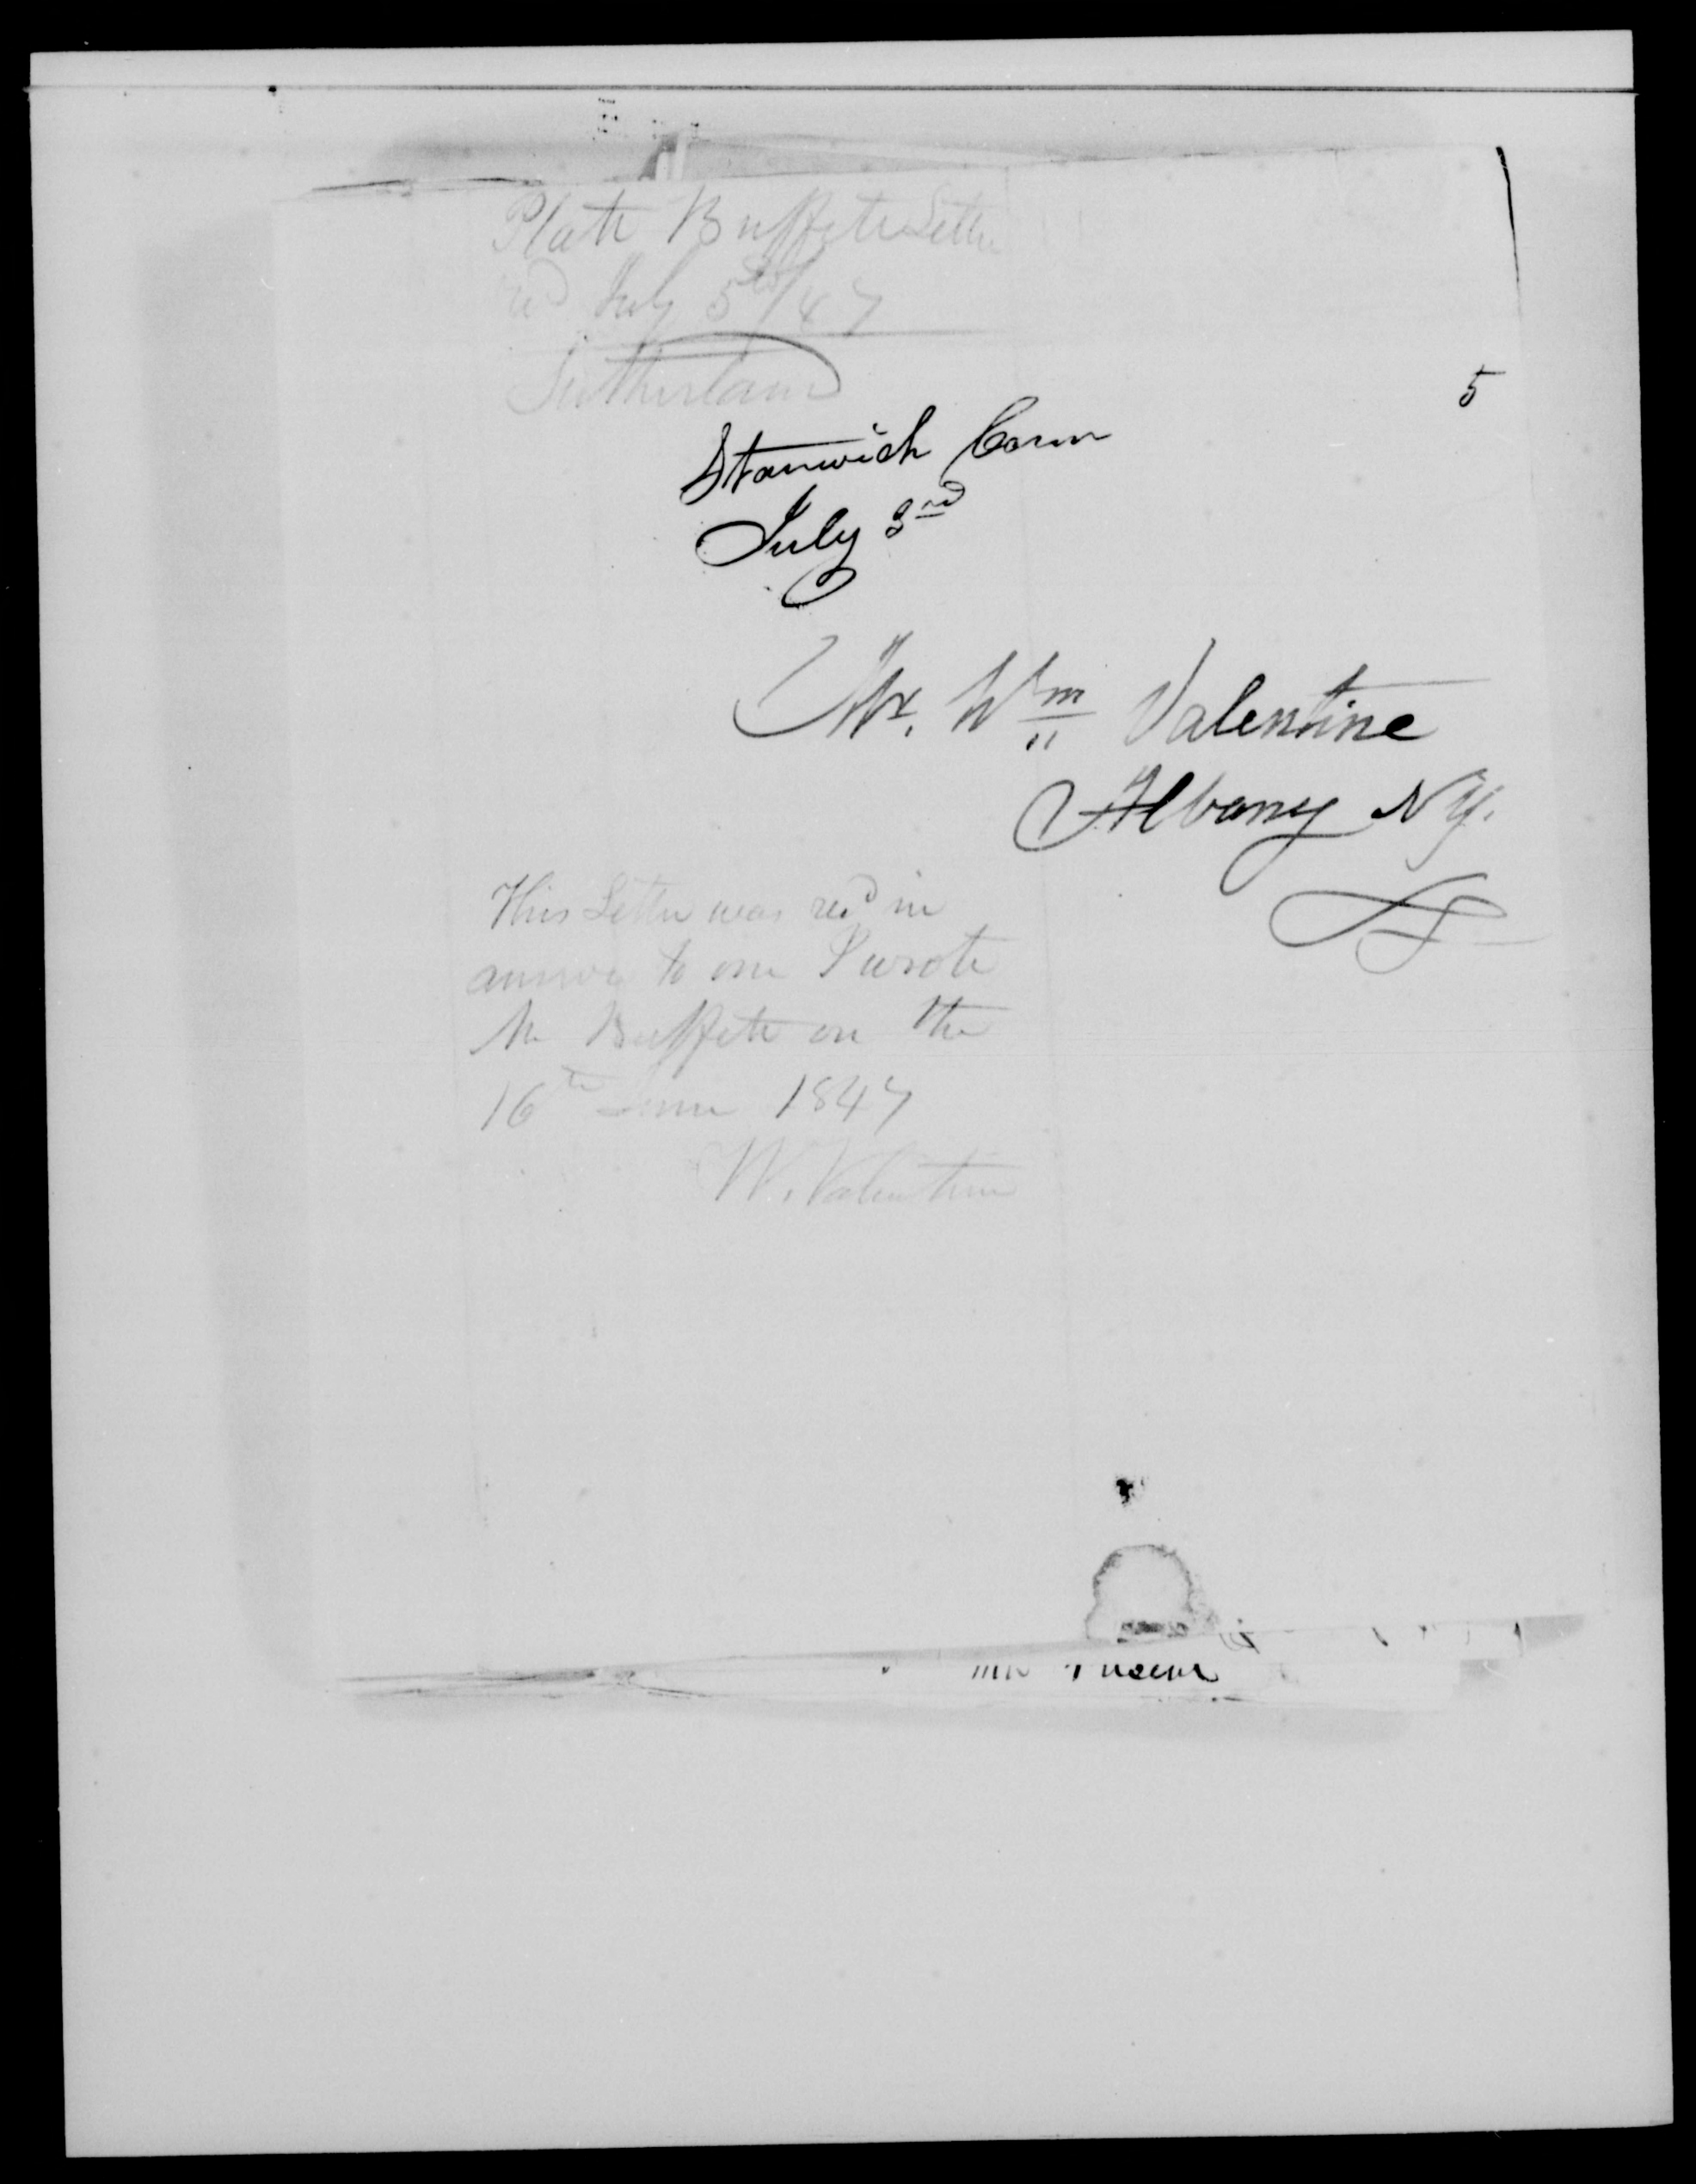Platt Buffett  Letter
recd July 5th /47
Sutherland

Stanwich Conn    5
July 3rd

Mr. Wm. Valentine
Albany N Y.

This Letter was recd in answer to one I wrote Mr Buffett on the 16th June 1847

W. Valentine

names: Platt Buffett; Wm Valentine; [BLANK] Buffett; W Valentine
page: 9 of 77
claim: survivor's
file: S. 23003, for Silas Southerland, New York